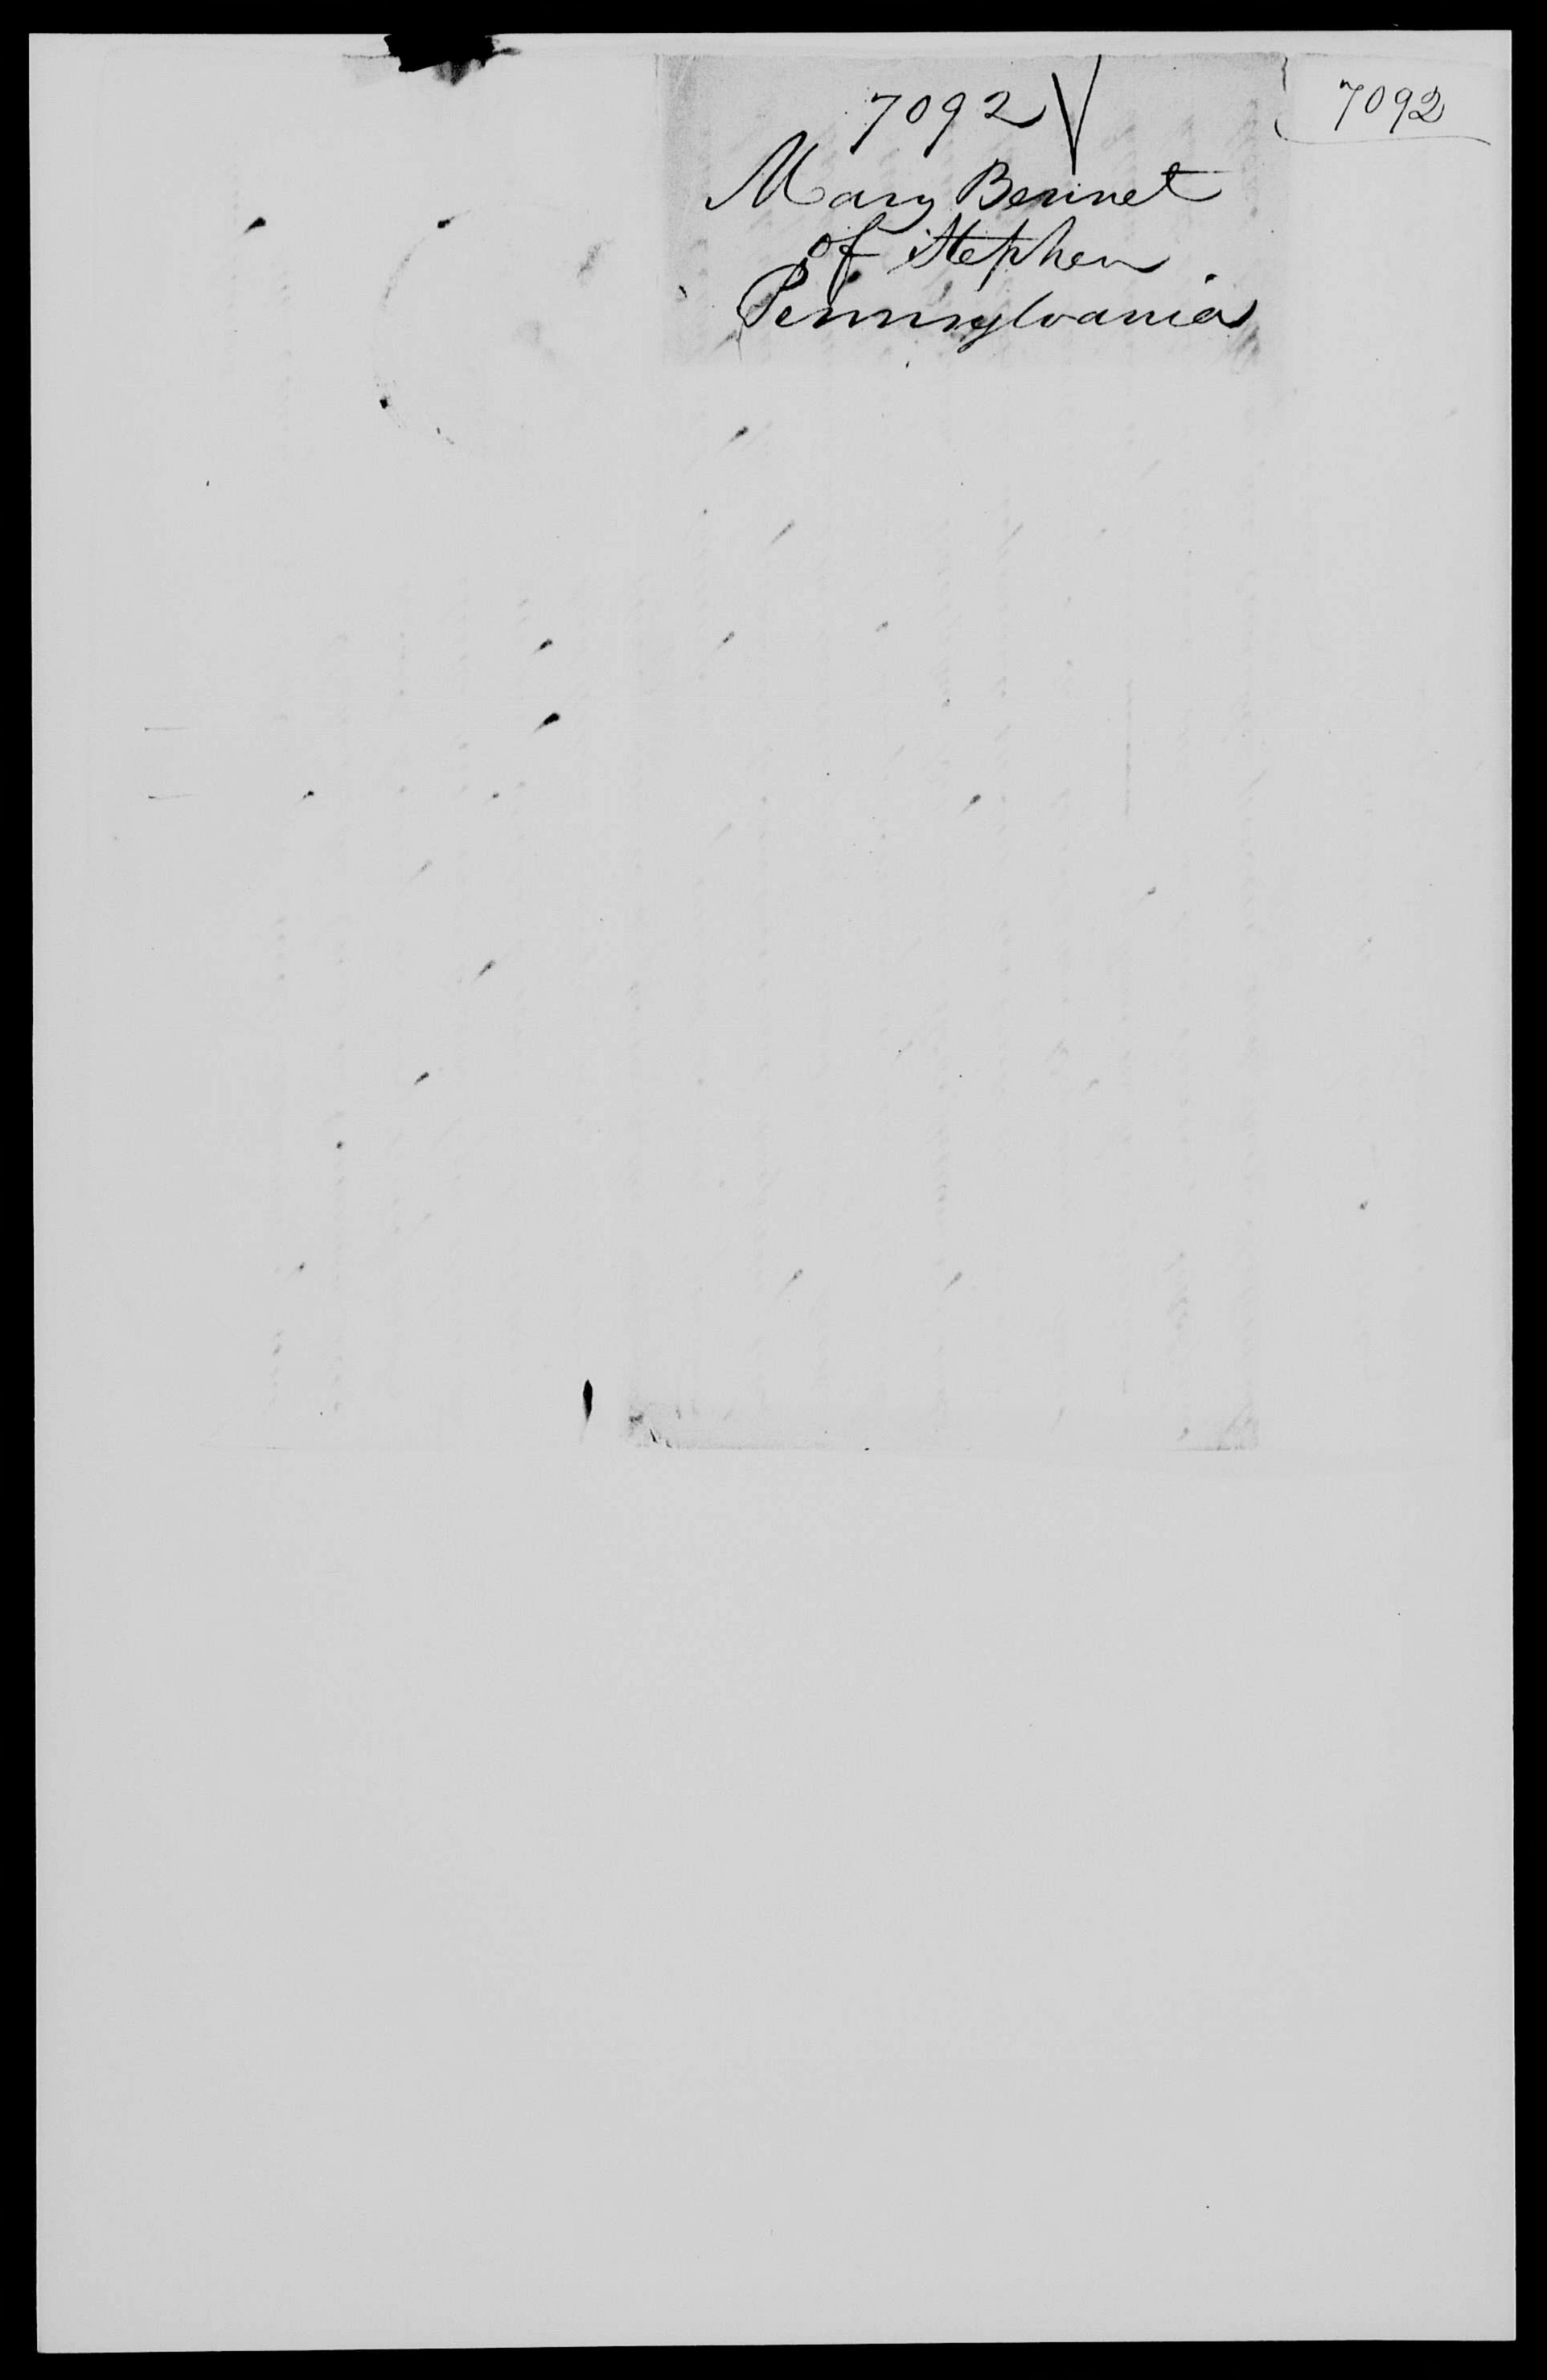7092 7092
Mary Bennet
of Stephen
Pennsylvania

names: Mary Bennet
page: 24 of 79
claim: widow's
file: W. 2,906, Stephen Bennet, Conn.